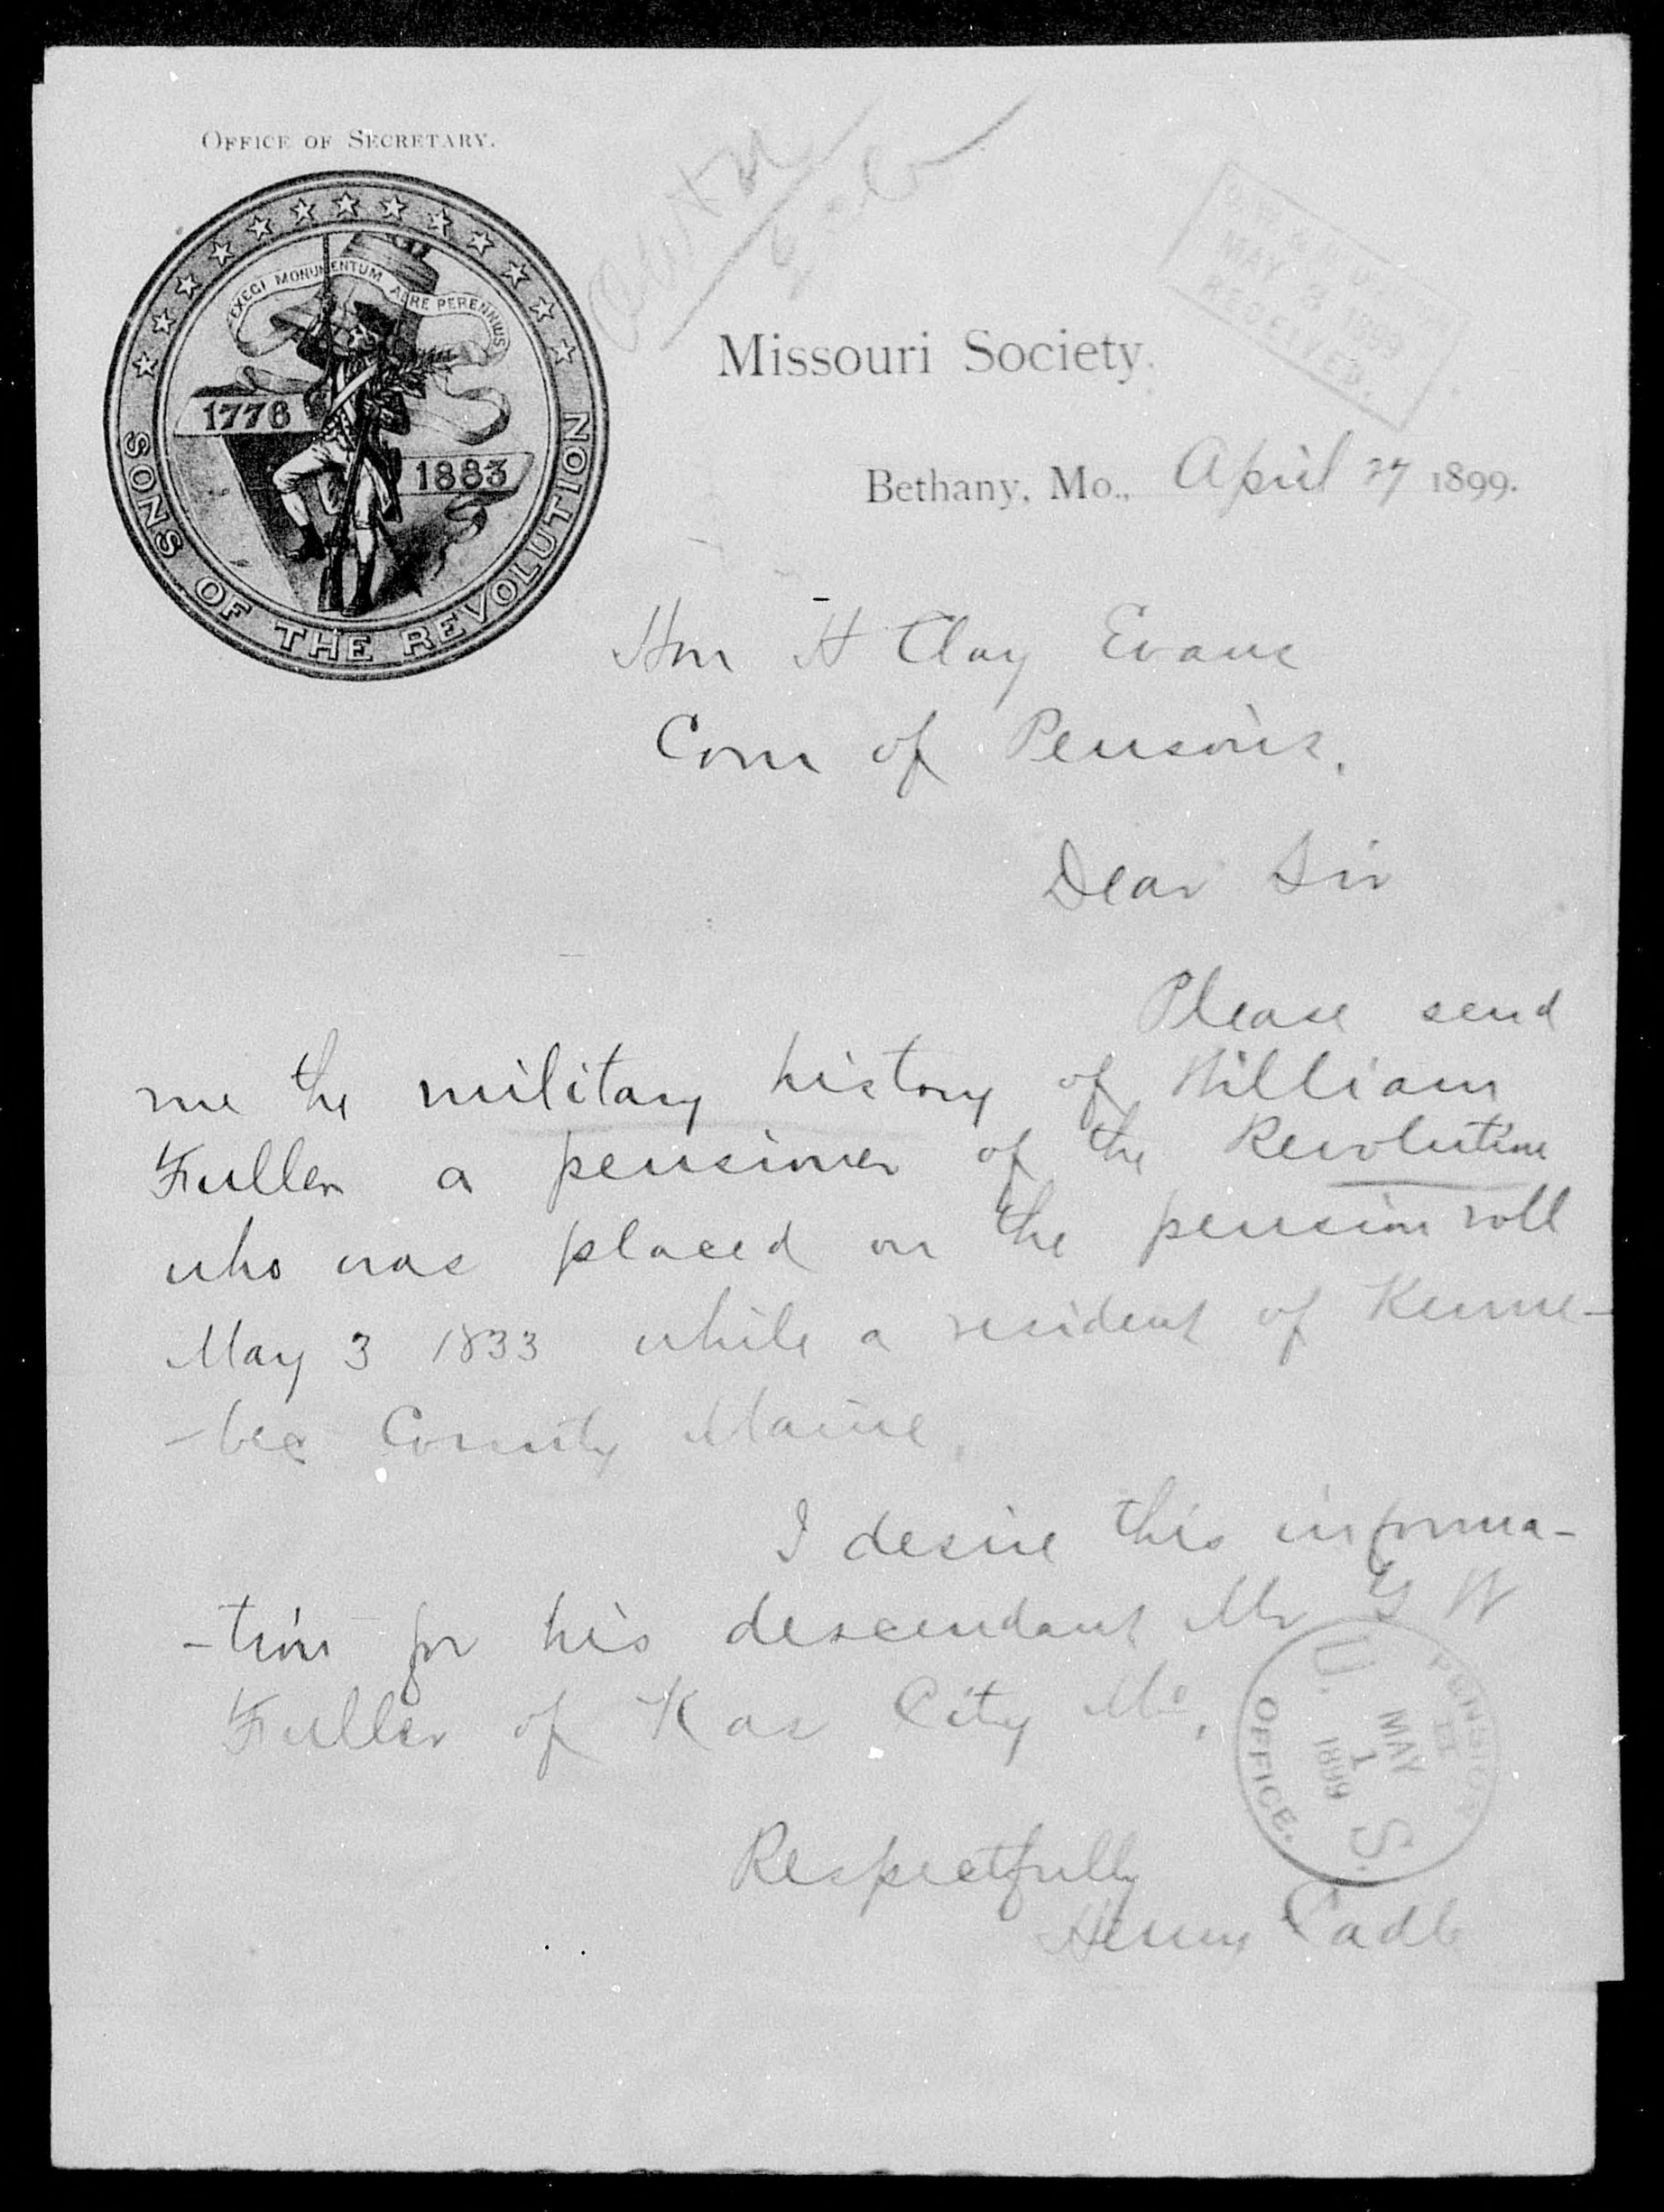OFFICE OF SECRETARY.
[letterhead graphic: colonial soldier, muskets, liberty bell, and ribbons one with Latin phrase: EXECI MONUMENTUM AERE PERENNIUS and the other with the dates: 1776-1883 encircled by stars and the words: SONS OF THE REVOLUTION]
[in pencil: OW &N]
Missouri Society.
[stamped: O W & N O MAY 3 1899 RECEIVED.]
Bethany, Mo., April 27 1899.
Hon H Clay Evans
Com of Pensions.
Dear Sir
Please send me the military history of William Fuller a pensioner of the Revolution who was placed on the pension roll May 3 1833 while a resident of Kennebec County Maine.
I desire this information for his descendant Mr. GW Fuller of Kas City Mo.
[stamped: U.S. PENSION OFFICE. II MAY 1 1899]
Respectfully
Henry Cadle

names: William Fuller, Henry Cadle, G W Fuller, H Clay Evans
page: 44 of 45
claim: widow's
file: W. 17933, William Fuller, Mass